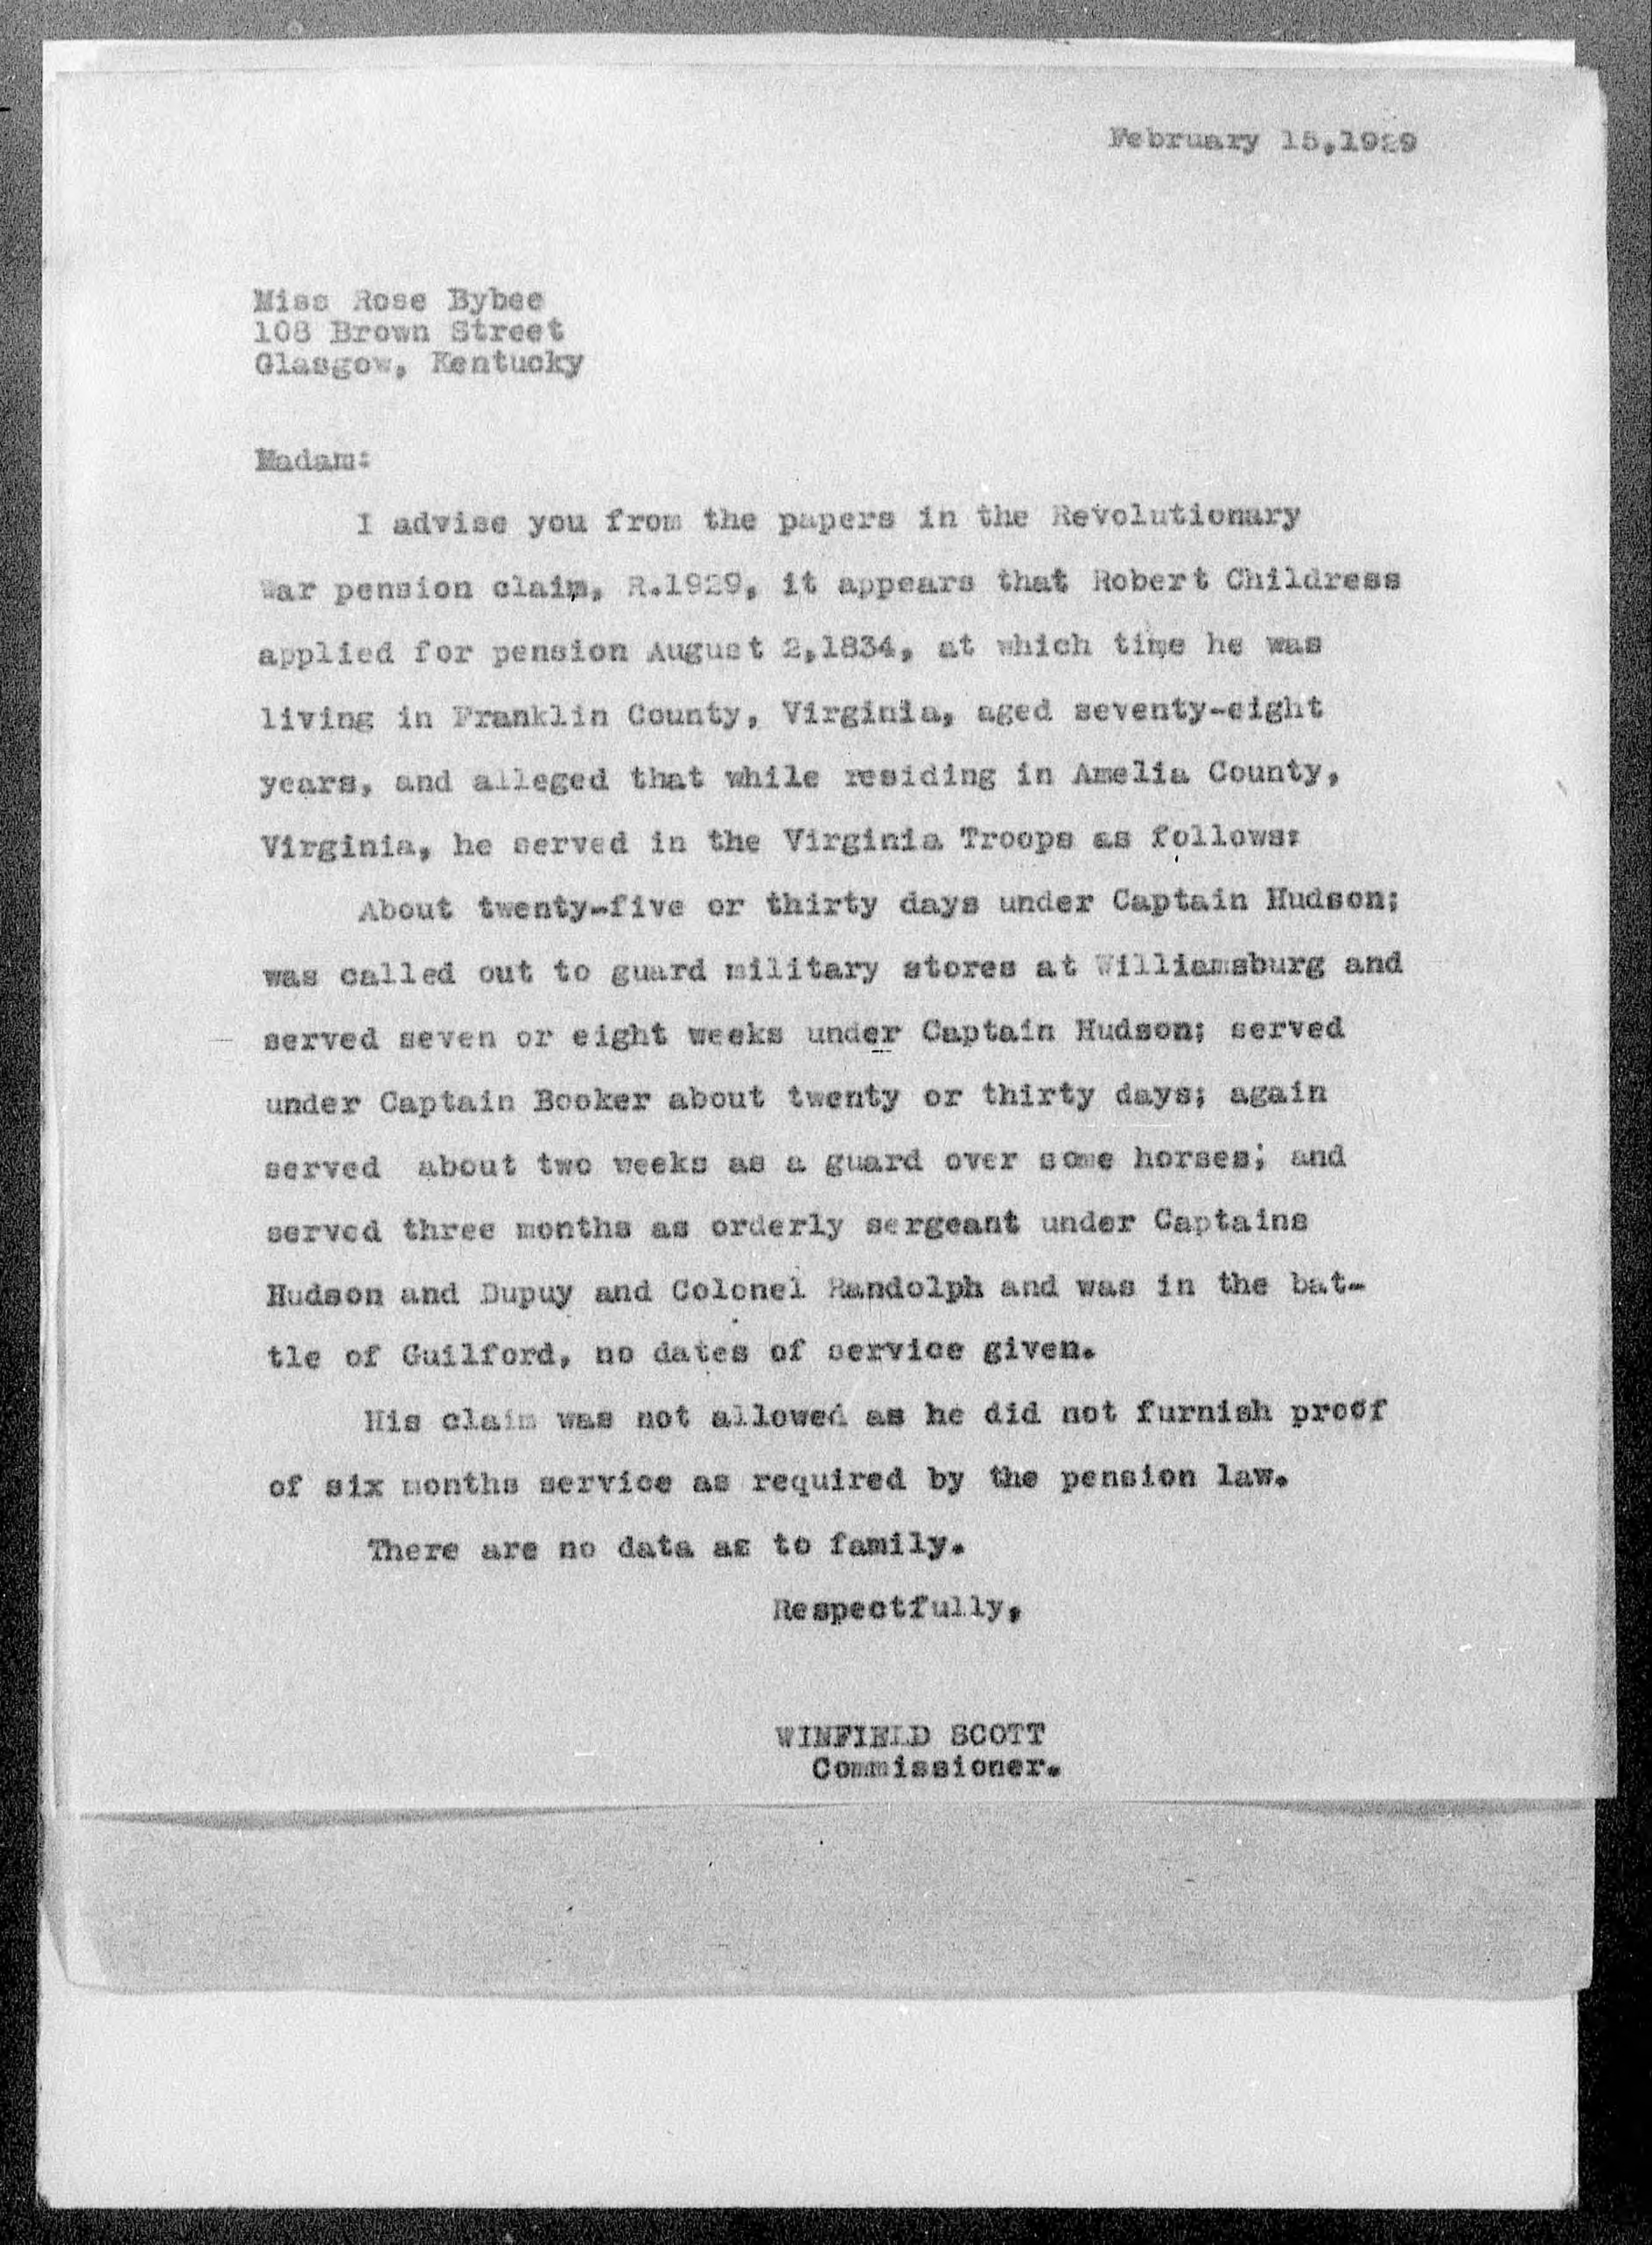February 15, 1929


Miss Rose Bybee
108 Brown Street
Glasgow, Kentucky
Madam;

I advise you from the papers in the Revolutionary War
pension claim, R.1929, it appears that Robert Childress
applied for pension August 2, 1834, at which time he was
living in Franklin County, Virginia, aged seventy-eight
years, and alleged that while residing in Amelia County,
Virginia, he served in the Virginia Troops as follows:
About twenty-five or thirty days under Captain Hudson;
was called out to guard military stores at Williamsburg and
served seven or eight weeks under Captain Hudson; served
under Captain Booker about twenty or thirty days; again
served about two weeks as a guard over some horses, and
served three months as orderly sergeant under Captains
Hudson and Dupuy and Colonel Randolph and was in the battle of Guilford, no dates of service given. His claim was not allowed as he did not furnish proof of six months service as required by the pension law. There are no data as to family.

Respectfully,
WINFIELD SCOTT
Commissioner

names: Winfield Scott, Hudson, Dupuy, Hudson, Randolph, Booker, Rose Bybee, Hudson, Robert Childress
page: 20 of 25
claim: rejected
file: R. 1929, Robert Childress, Va